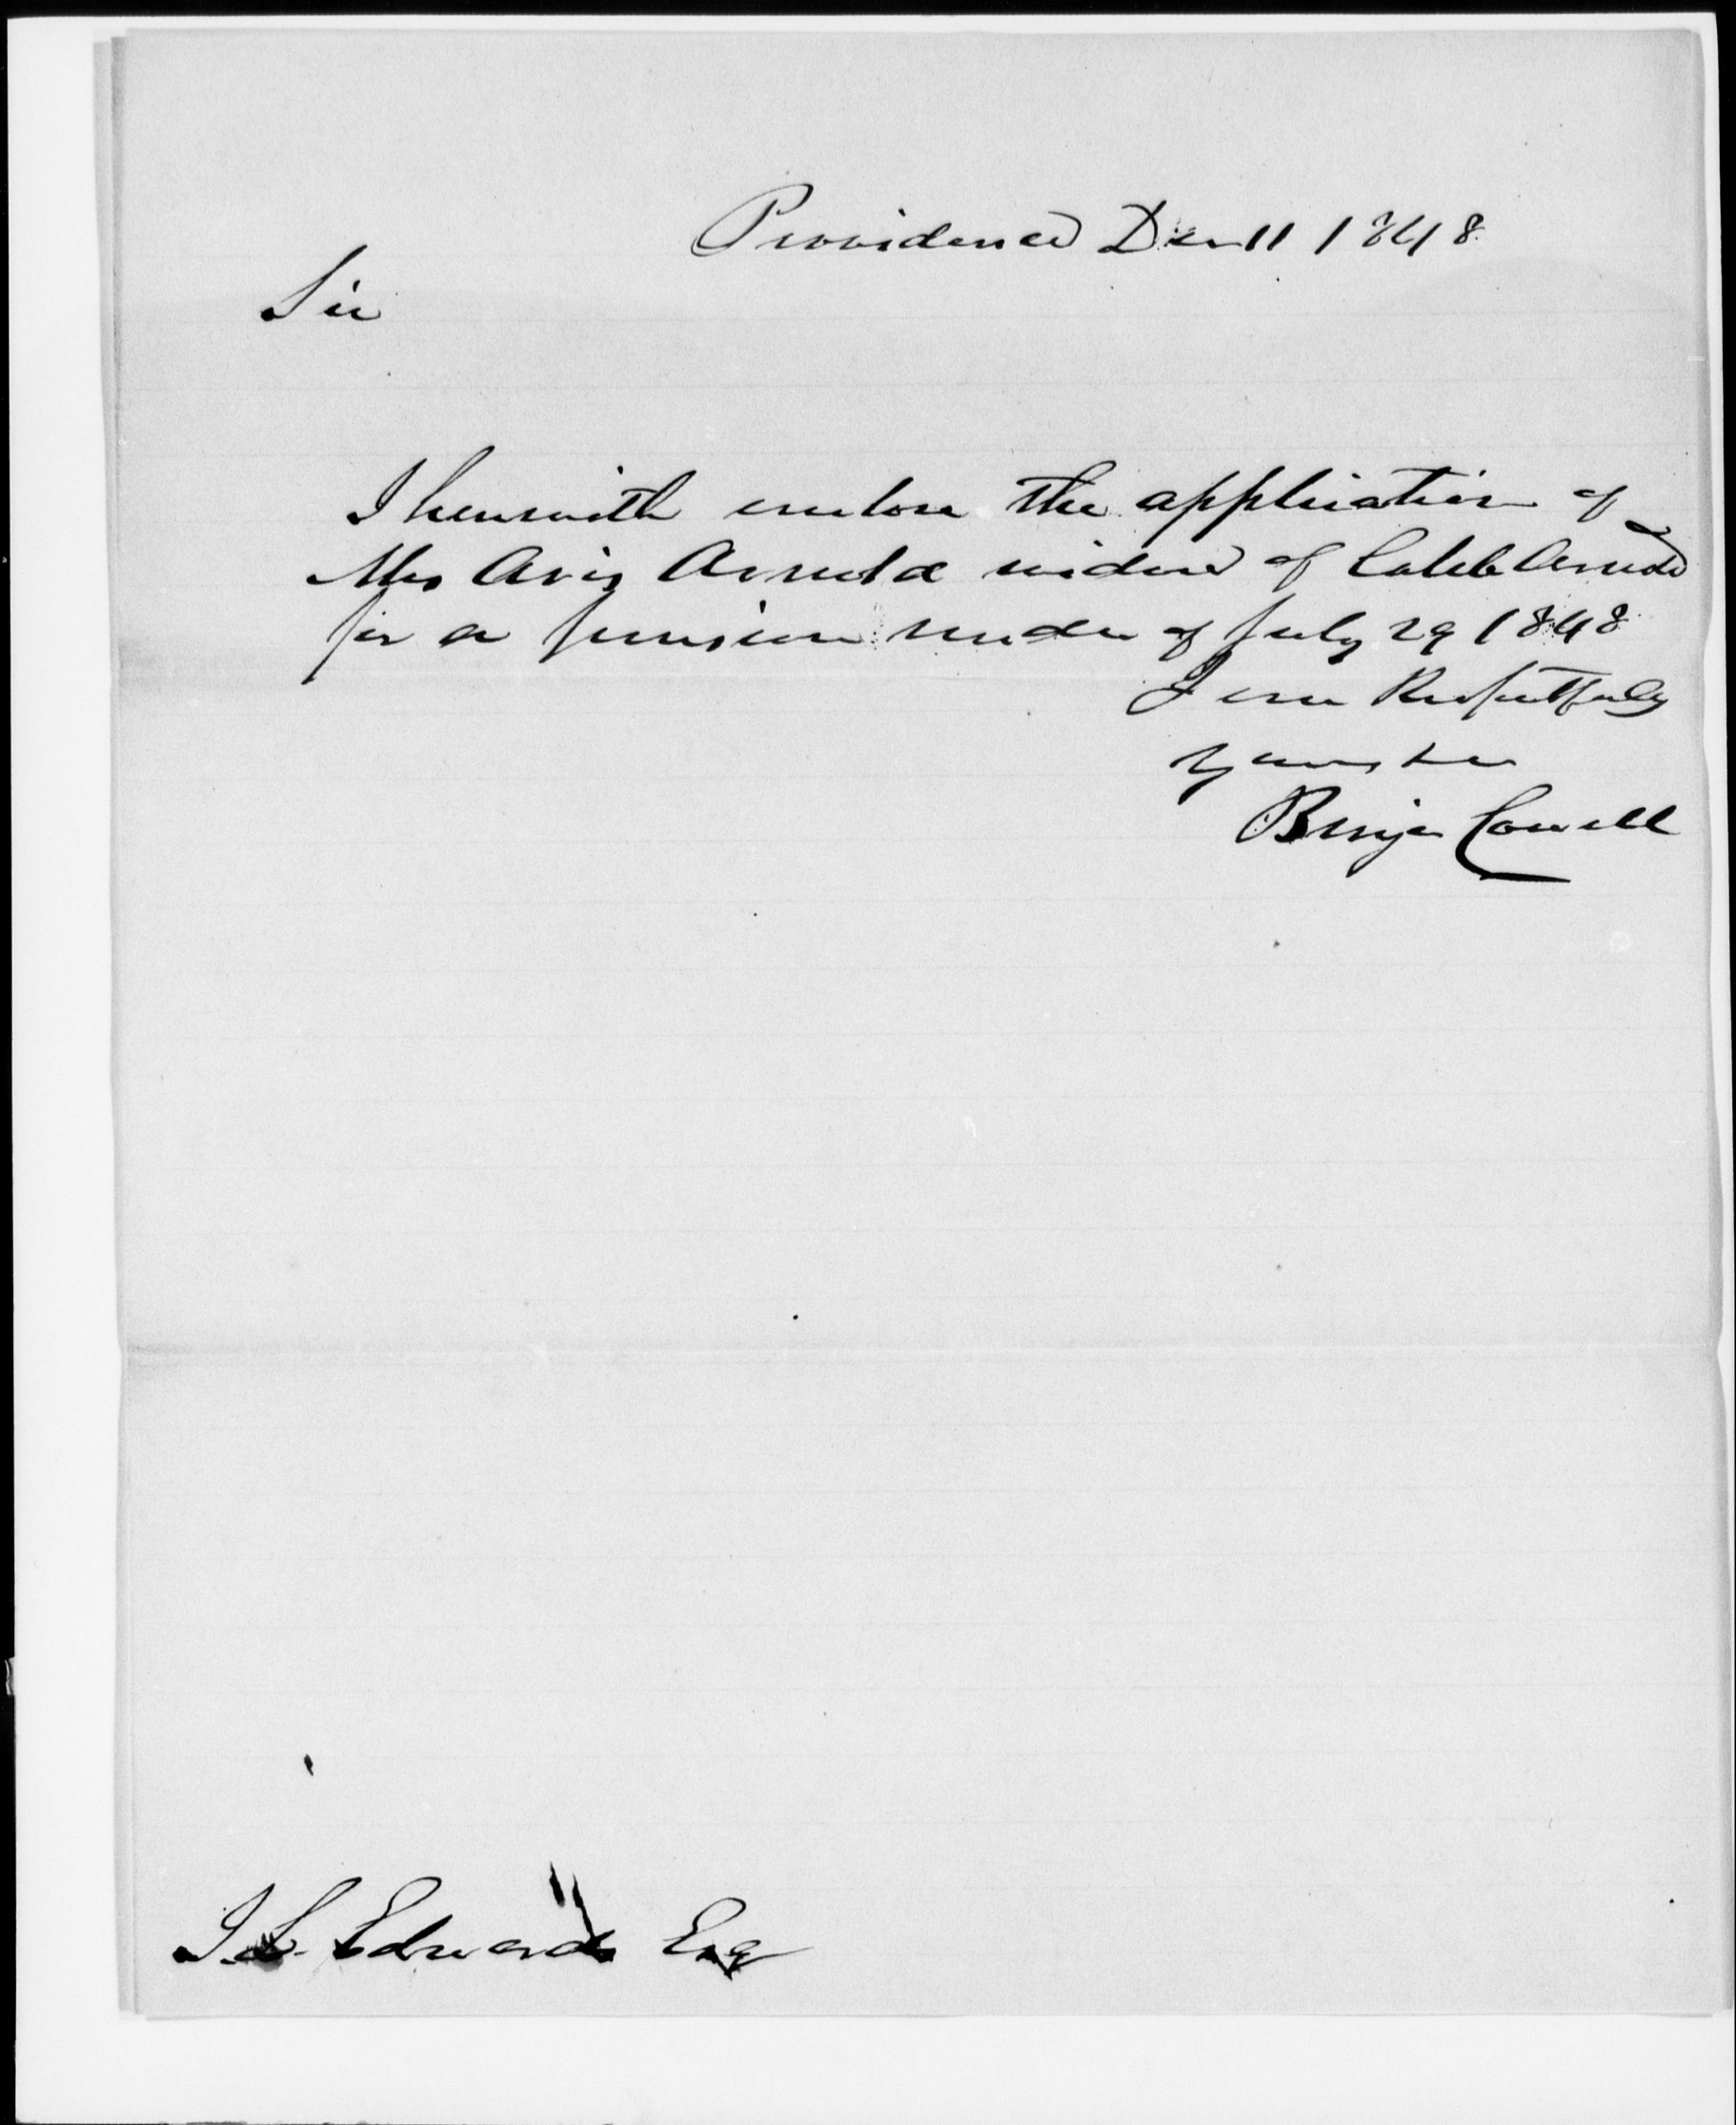Providence Dec 11 1848
Sir
I herewith enclose the application of Mrs Aviz Arnold widow of Caleb Arnold for a pension under of July 29 1848
I am Respectfully
Yours___
Benja Cowell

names: Benja Cowell, Avis Arnold, Caleb Arnold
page: 27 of 29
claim: widow's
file: W. 2582, Caleb Arnold, R.I.